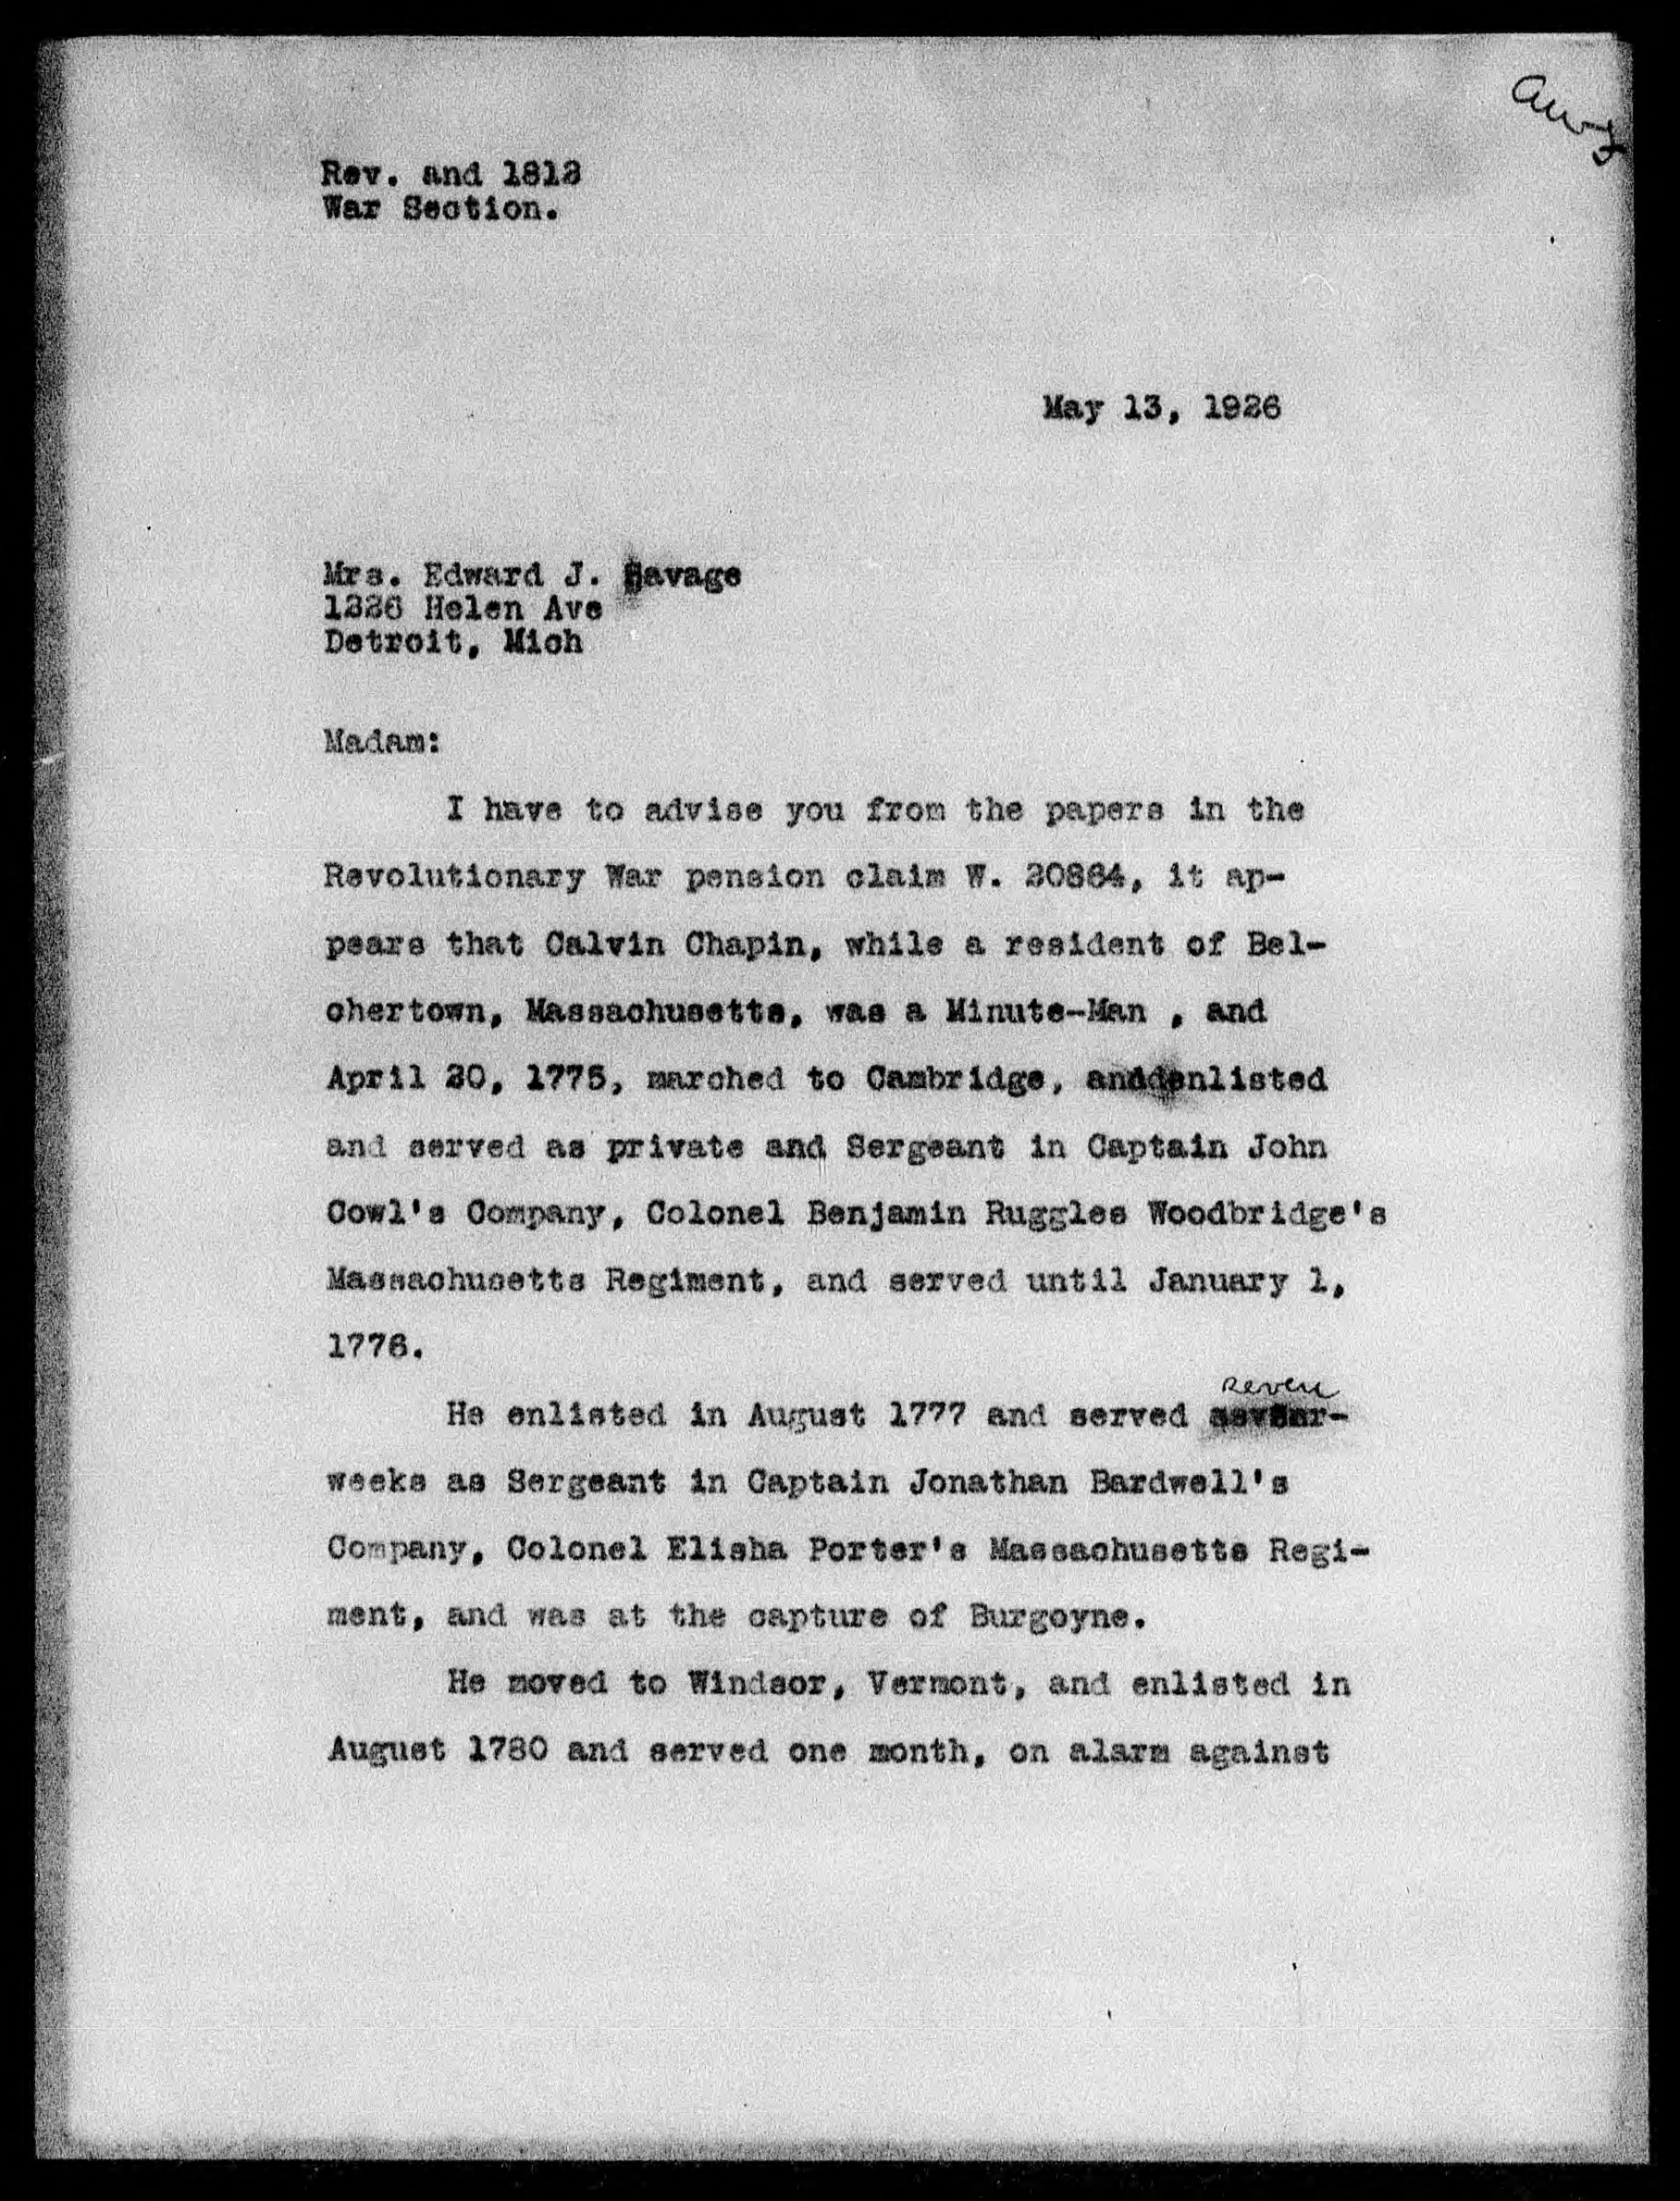[upper left corner handwritten initials]
awf

Rev. and 1812
War Section.

May 13, 1926

Mrs. Edward J. Savage
1226 Helen Ave
Detroit, Mich

Madam:

I have to advise you from the papers in the Revolutionary War pension claim W. 20884, it appears that Calvin Chapin, while a resident of Belchertown, Massachusetts, was a Minute-Man, and April 20, 1775, marched to Cambridge, and enlisted and served as private and Sergeant in Captain John Cowl's Company, Colonel Benjamin Ruggles Woodbridge's Massachusetts Regiment, and served until January 1, 1776.

He  enlisted in August 1777 and served several weeks as Sergeant in Captain Jonathan Bardwell's Company, Colonel Elisha Porter's Massachusetts Regiment, and was at the capture of Burgoyne.

He moved to Windsor, Vermont, and enlisted in August 1780 and served one month, on alarm against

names: Edward J Savage, Calvin Chapin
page: 19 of 35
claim: widow's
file: W. 20,864, Calvin Chapin, Mass. Vt.